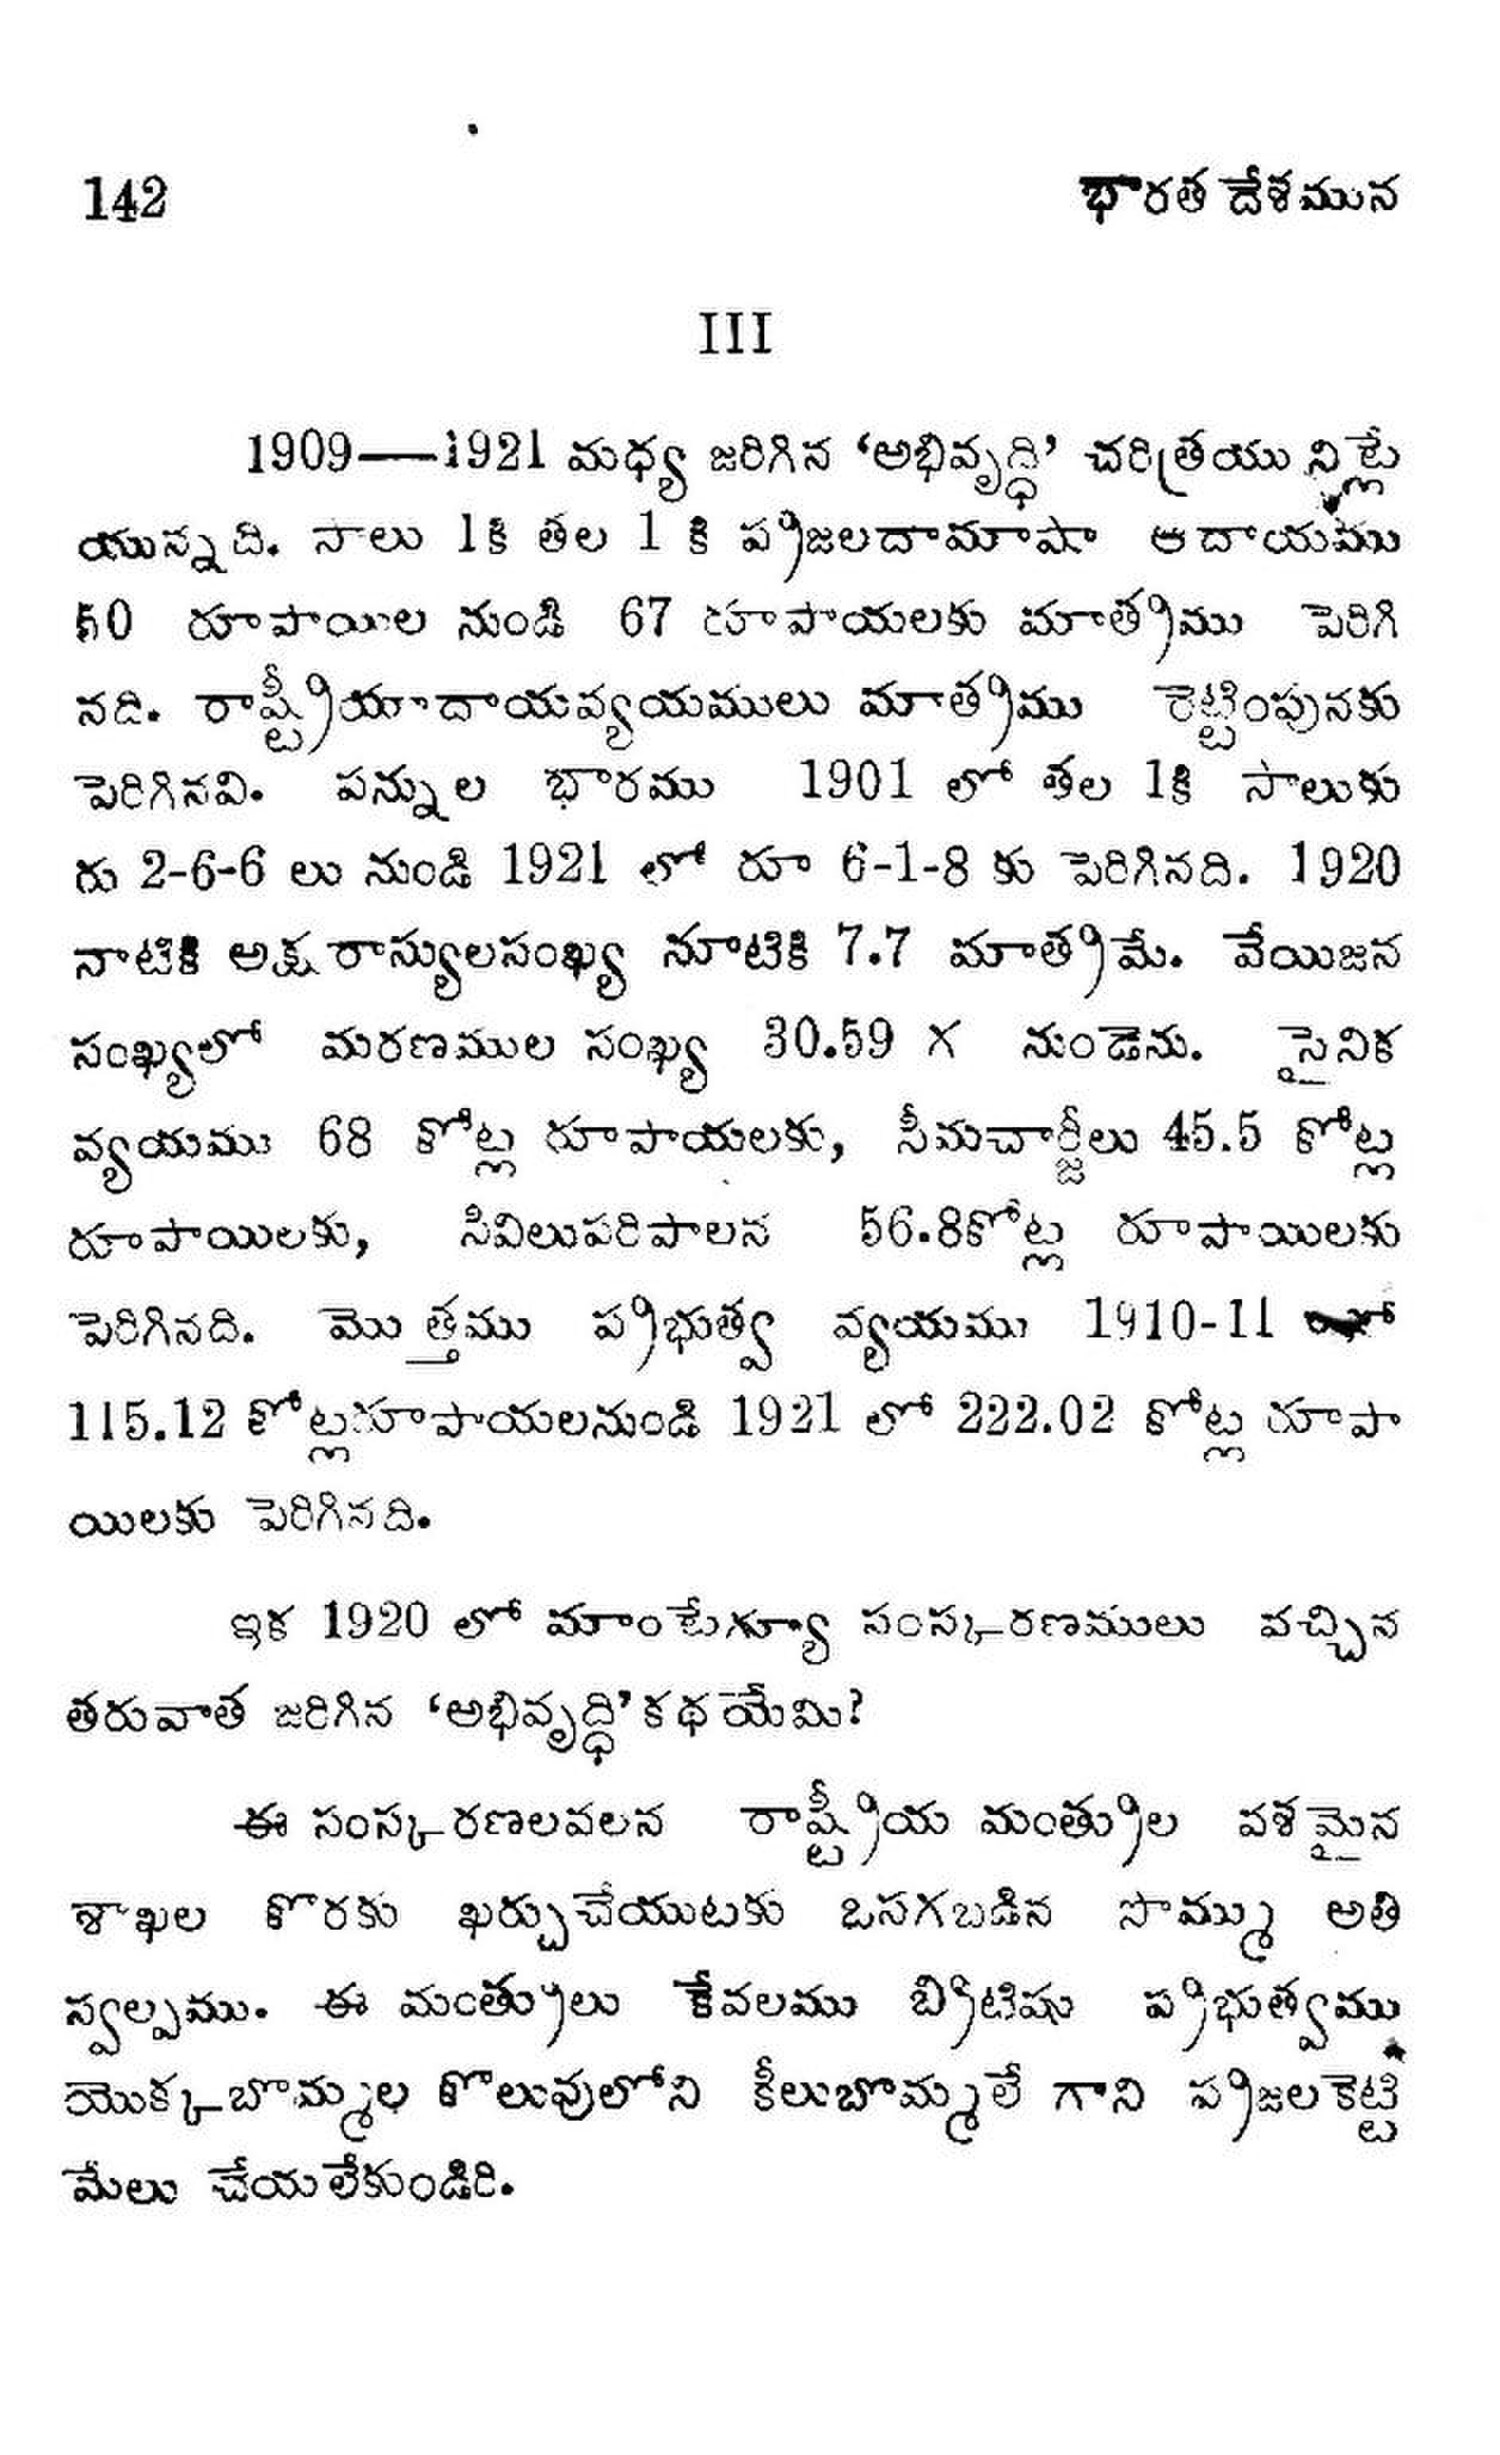III

1909-1921 మధ్య జరిగిన 'అభివృద్ధి' చరిత్రయు నిట్లే యున్నది. సాలు 1కి తల 1 కి ప్రజలదామాషా ఆదాయము 50 రూపాయిల నుండి 67 రూపాయలకు మాత్రము పెరిగినది. రాష్ట్రీయాదాయవ్యయములు మాత్రము రెట్టింపునకు పెరిగినవి. పన్నుల భారము 1901 లో తల 1కి సాలుకు రు 2-6-6 లు నుండి 1921 లో రూ 6-1-8 కు పెరిగినది. 1920 నాటికి అక్ష రాస్యులసంఖ్య నూటికి 7.7 మాత్రమే. వేయిజన సంఖ్యలో మరణముల సంఖ్య 30.59 గ నుండెను. సైనిక వ్యయము 68 కోట్ల రూపాయలకు, సీమచార్జీలు 45.5 కోట్ల రూపాయిలకు, సివిలుపరిపాలన 56.8కోట్ల రూపాయిలకు
పెరిగినది. మొత్తము ప్రభుత్వ వ్యయము 1910-11 లో 115.12 కోట్ల రూపాయలనుండి 1921 లో 222.02 కోట్ల రూపాయిలకు పెరిగినది.

ఇక 1920 లో మాంబేగ్యూ సంస్కరణములు వచ్చిన తరువాత జరిగిన 'అభివృద్ధి' కథ యేమి?

ఈ సంస్కరణలవలన రాష్ట్రీయ మంత్రుల వశమైన శాఖల కొరకు ఖర్చుచేయుటకు ఒసగబడిన సొమ్ము అతి స్వల్పము. ఈ మంత్రులు కేవలము బ్రిటిషు ప్రభుత్వము యొక్కబొమ్మల కొలువులోని కీలుబొమ్మలే గాని ప్రజల కెట్టి మేలు చేయలేకుండిరి.